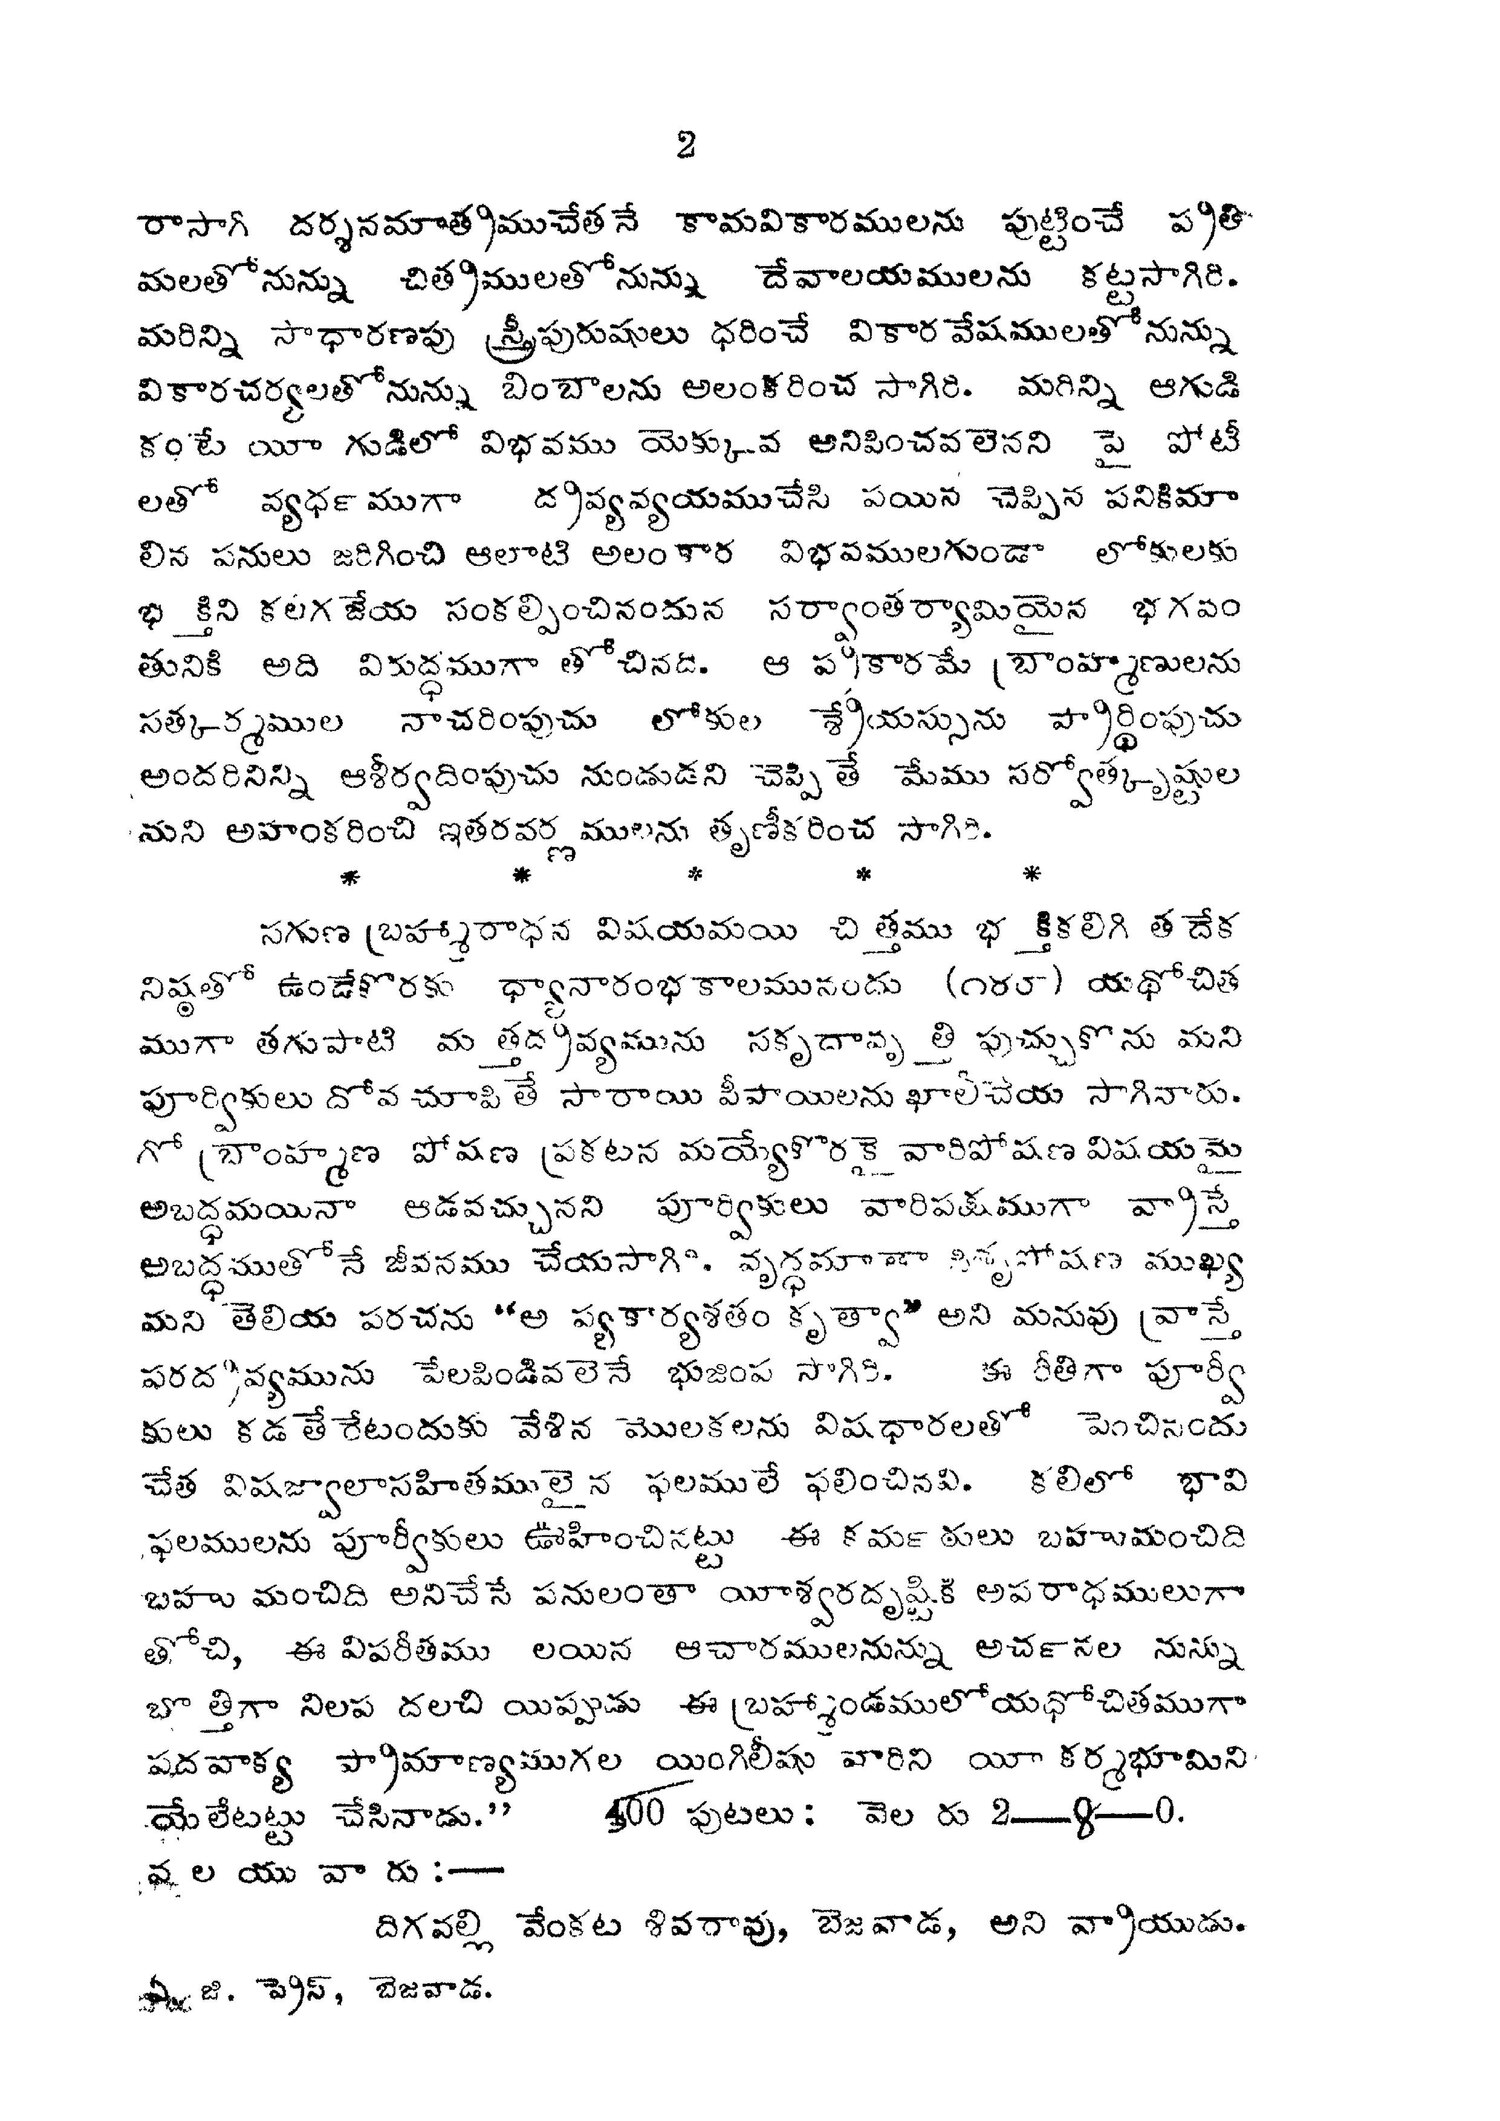రాసాగి దర్శనమాత్రముచేతనే కామవికారములను పుట్టించే ప్రతిమలతోనున్న చిత్రములతోనున్ను దేవాలయములను కట్టసాగిరి. మరిన్ని సాధారణపు స్త్రీపురుషుల ధరించిన వికారవేషములతొనున్ను వికారచర్యలతోనున్ను బింబాలను అలంకరించ సాగిరి. మరిన్ని ఆగుడికంటే యీ గుడిలో విభవము యెక్కువ అనిపించవలెనని పై పోటీలతో వ్యర్ధముగా ద్రవ్యవ్యయముచేసి పయిన చెప్పిన పనికిమాలిన పనులు జరిగించి అలాటి అలంకార విభవముల గుండా లోకులకు భక్తిని కలగజేయ సంకల్పించినందున సర్వాంతర్యామియైన భగవంతునికి అది విరుద్ధముగా తోచినది. ఆ ప్రకారమే బ్రాంహ్మణులను సత్కర్మల నాచరింఫుచు లోకుల శ్రేయస్సును ప్రార్ధింపుచు అందరినిన్ని ఆశీర్వదింపుచు నుండునని చెప్పితే మేము సర్వోత్కృష్టులమని అహంకరించి ఇతరవర్గములను తృణీకరించ సాగిరి.

సగుణబ్రహ్మారాధన విషయమయి చిత్తము భక్తికలిగి తదేక నిష్ఠతో ఉండేకొరకు ధ్యానారంభకాలమునందు (148) యధోచితముగా తగుపాటి మత్తద్రవ్యమును సకృదానృత్తి పుచ్చుకొను మని పూర్వీకులు దోవచూపితే సారాయి పీపాయీలను ఖాళీచేయ సాగినారు. గోబ్రాహ్మణ పోషణ ప్రకటన మయ్యేకొరకై వారిపోషణ విషయమై అబద్ధమయినా ఆడవచ్చునని పూర్వీకులు వారిపక్షముగా వ్రాస్తే అబద్ధముతోనే జీవనము చేయసాగిరి. వృద్ధమాతా పితృపోషణ ముఖ్యమని తెలియ పరచను "అప్యకార్యశతం కృత్వా" అని మనువు వ్రాస్తే పరద్రవ్యమును పేలపిండివలెనే భుజింప సాగిరి. ఈ రీతిగా పూర్వీకులు కడతేరేటందుకు వేశిన మొలకలను విషధారలతో పెంచినందుచేత విషజ్వాలాసహితములైన ఫలములే ఫలించినవి. కలిలో భావిఫలములను పూర్వీకులు ఊహించినట్టు ఈ కర్మఠులు బహుమంచిది బహుమంచిది అనిచేసే పనులంతా యీశ్వరదృష్టికి అపరాధములుగా తోచి, ఈ విపరీతము లయిన ఆచారములనున్ను అర్చనల నున్ను బొత్తిగ నిలప దలచి యిప్పుడు ఈ బ్రహ్మాండములో యధోచితముగా పదవాక్య ప్రామాణ్యముగల యింగిలీషు వారిని యీ కర్మభూమిని యేలేటట్టు చేసినాడు." 500 పుటలు: వెల రు.2--8--0

వలయువారు:--
దిగవల్లి వేంకట శివరావు, బెజవాడ, అని వ్రాయుడు.ఏ.జి. ప్రెస్, బెజవాడ.